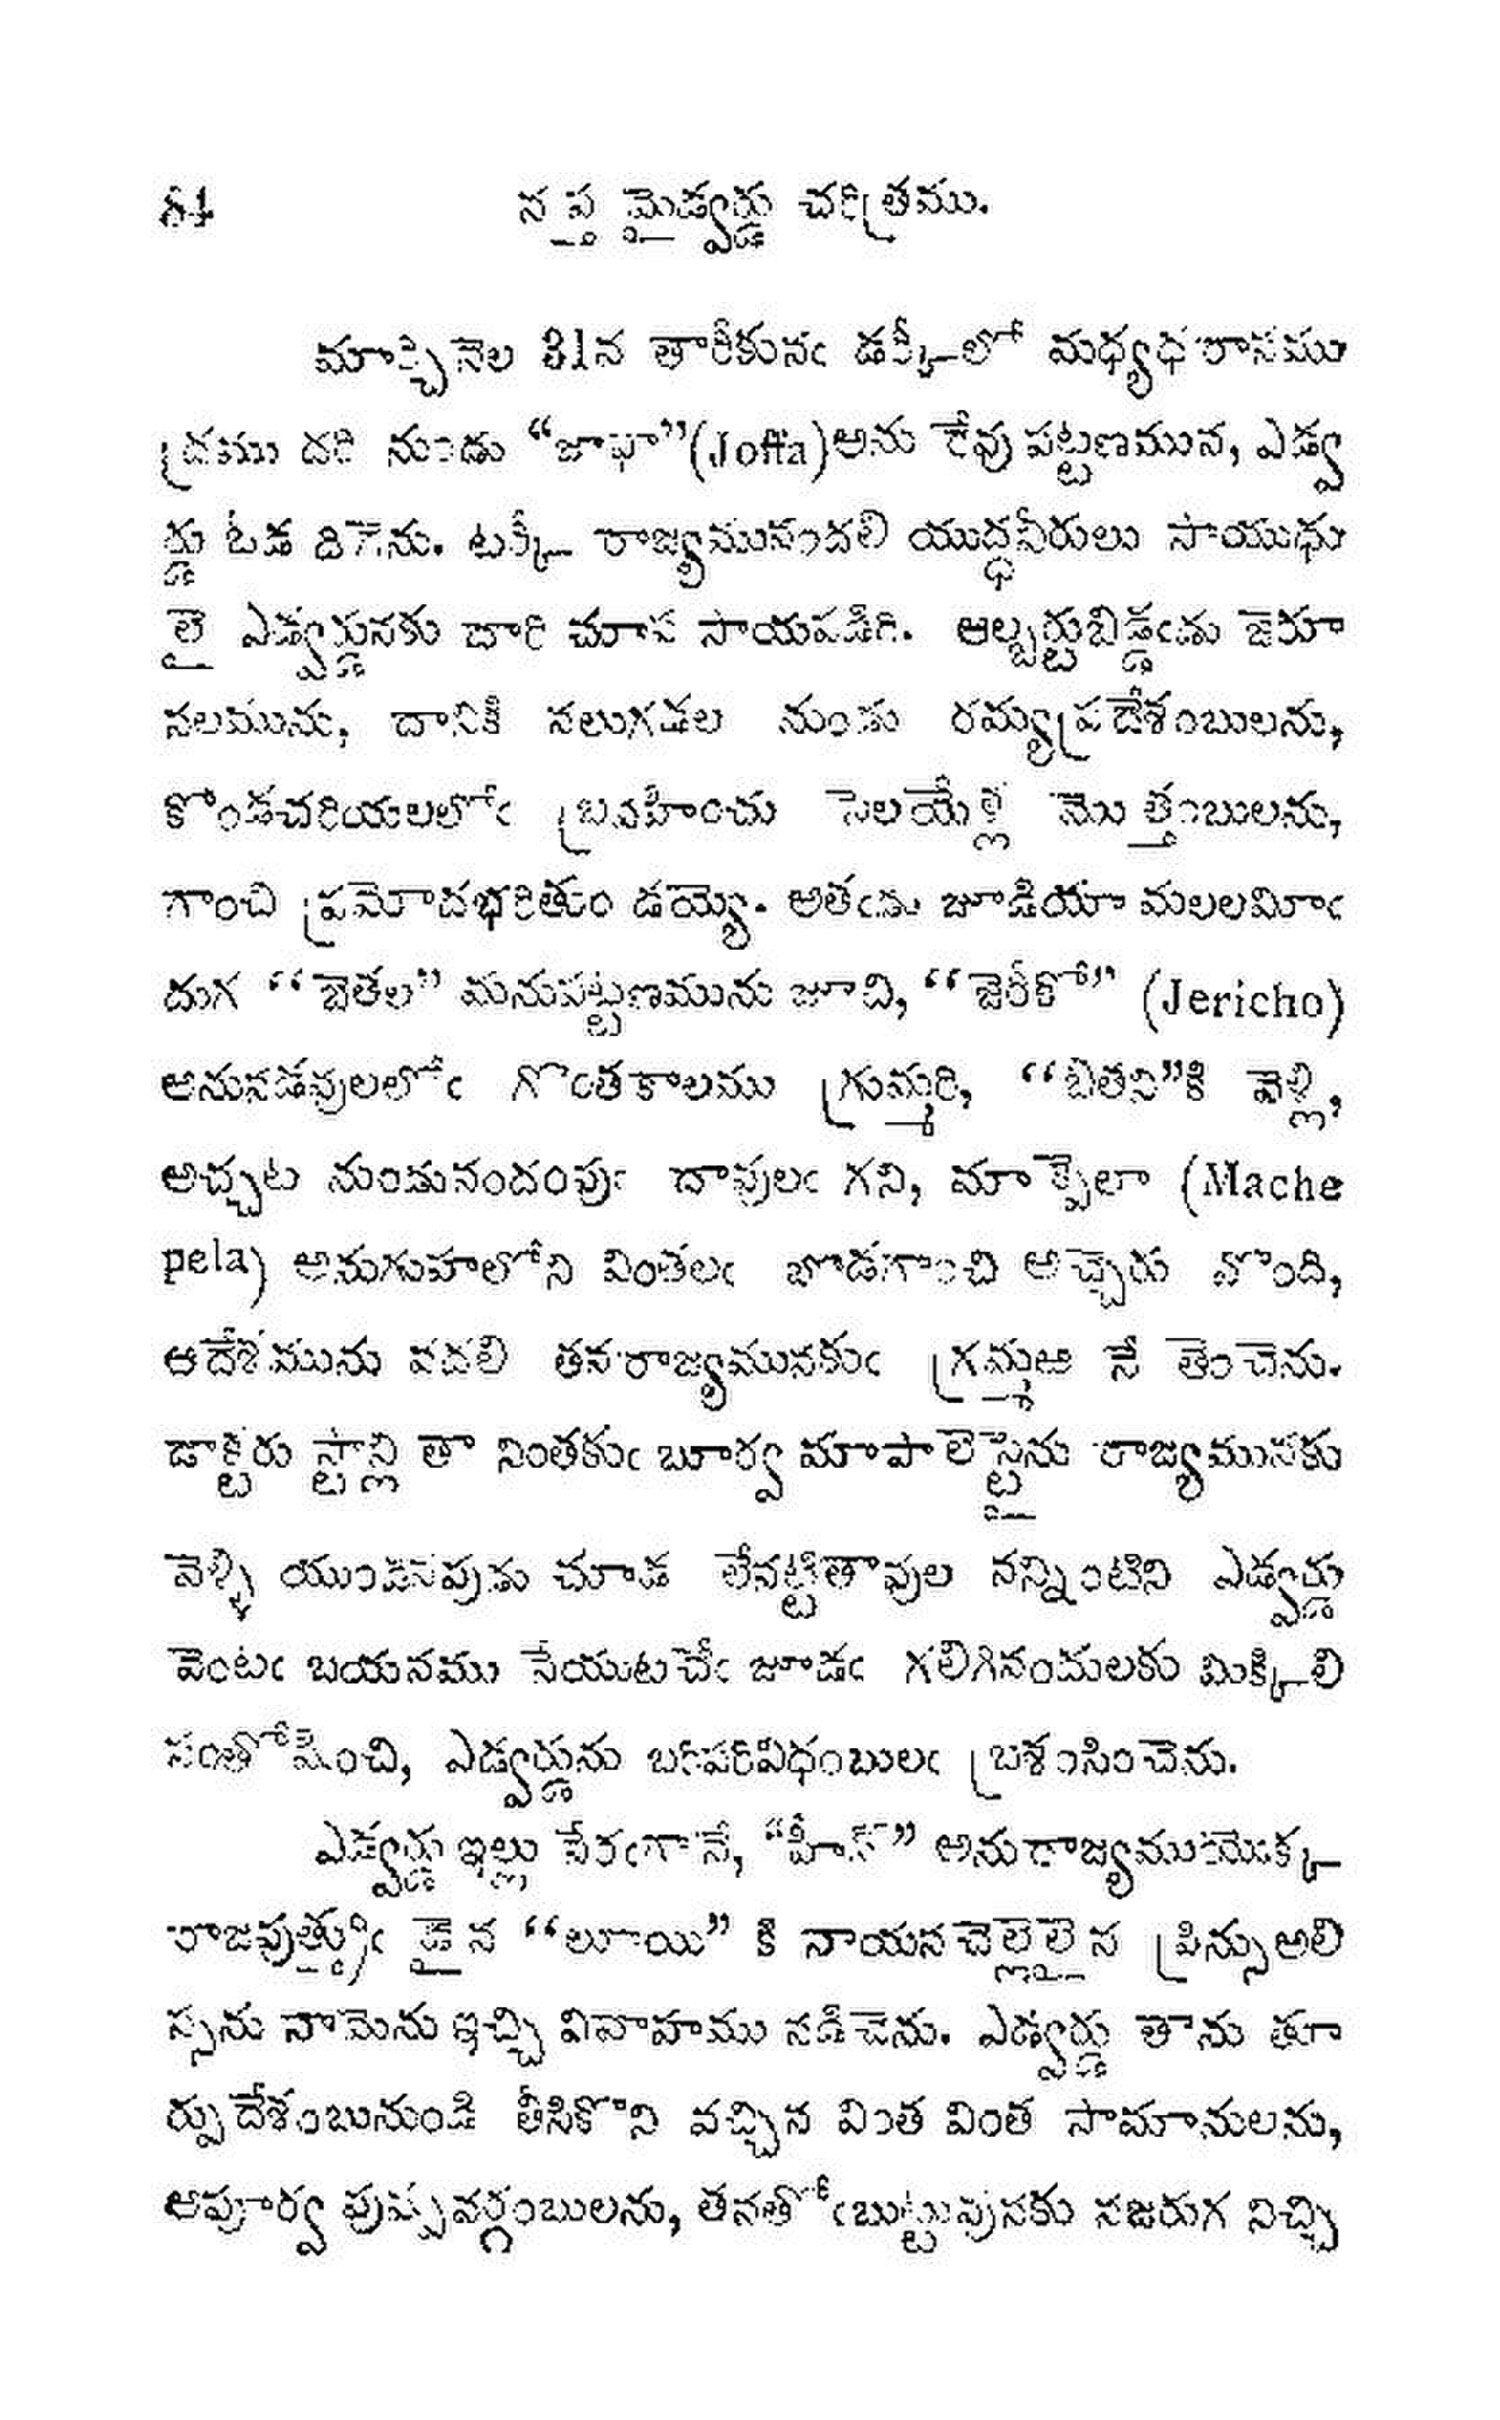మార్చి నెల 31న తారీకునఁ డర్కీలో మధ్యధరాసముద్రము, దరి నుండు "జఫా" అను రేవు పట్టణమున ఎడ్వర్డు ఓడదిగెను టర్కీ రాజ్యమందలి యుద్ధ వీరులు సాయుధు
లై ఎడ్వర్డునకు దారి చూప సాయపడిరి. ఆల్బర్టు బిడ్డఁడు జెరూసులమును, దానికి నలుగడల నుండు రమ్యప్రదేశంబులను, కొండచరియలలోఁ బ్రవహించు సెలయేళ్ల మొత్తంబులను,
గాంచి ప్రమోద బరితొంతుండయ్యె. అతను జూడియా మలలమీఁదుగ " బెతలు” మను పట్టణమును జూచి, " జెరీకో" (Jerichoy అను నడవులలోఁ గొంత కాలము గుమ్మరి, బతని" కి వెళ్లి,
అచ్చట నుండు నందంపు, దాపులఁ గని, మాక్పెలా (Machepela) అను గుహలోని వింతల బోడగాంచి ఆచ్చెరువొంది, ఆదేశమును వదలి తన రాజ్యమునకుఁ గ్రమ్మఱ నేతెంచెను.
డాక్టరు స్టాన్లీ తానింతకుఁ బూర్వ మాపాలెస్టెను 'రాజ్యమునకువెళ్ళి యుండుపుడు చూడ లేనట్టి తావుల నన్నింటిని ఎడ్వడుర్డు వెంటఁ బయనము సేయుటచే జూడఁ గలిగినందులకు మిక్కిలి
సంతోషించి, ఎడ్వర్డును బరి విధంబులఁ బ్రశంసించెను.

ఎడ్వర్డు ఇల్లు సేరగానే, “హీన్" అను రాజ్యము యొక్క "రాజపుత్రుడైన 'లూయి” కి నాయన చెల్లెలైన ప్రిన్సు అలిస్పను నామెను ఇచ్చి వివాహము నడిచెను. ఎడ్వర్డు తాను తూర్పు దేశంబునుండి తీసికొని వచ్చిన వింత వింత సామానులను,అపూర్వ పుష్పవర్గంబులను, తనతో బుట్టువునకు సజరుగ నిచ్చి